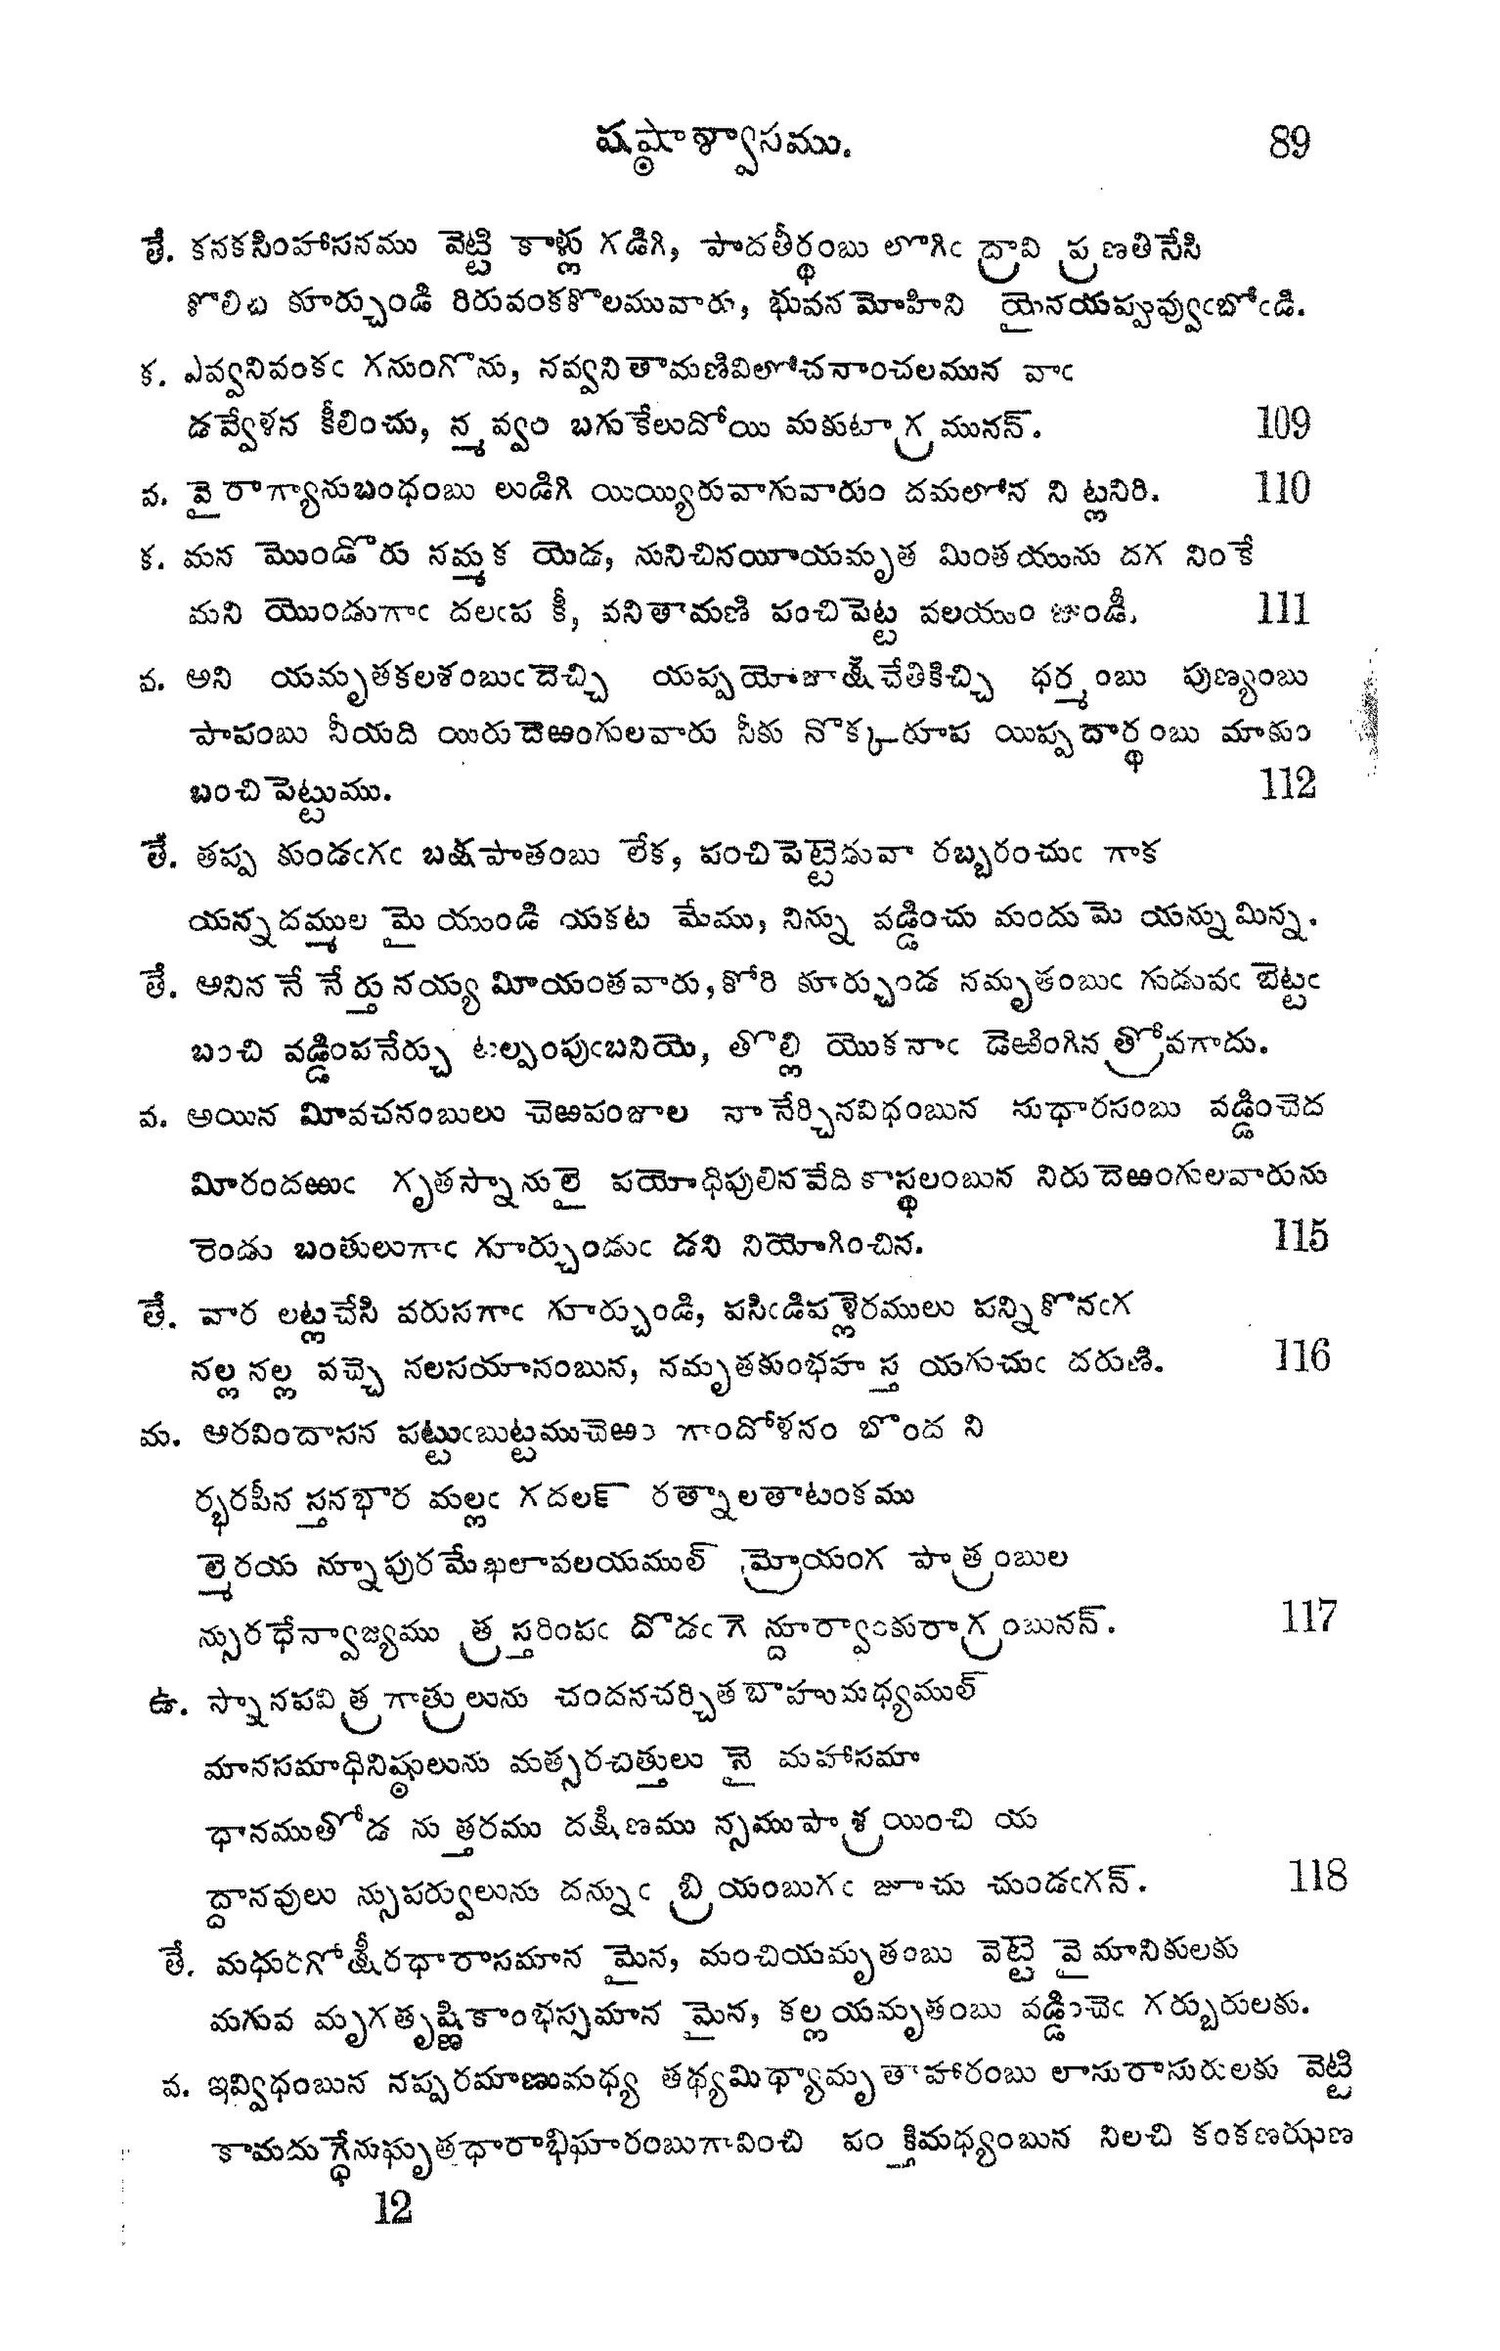తే. కనకసింహాసనము వెట్టి కాళ్లు గడిగి, పాదతీర్థంబు లొగిఁ ద్రావి ప్రణతి సేసి
కొలిచి కూర్చుండి రిరువంకకొలమువారు, భువనమోహిని యైనయప్పువ్వుఁబోఁడి. 108

క. ఎవ్వనివంకఁ గనుంగొను, నవ్వనితామణివిలోచనాంచలమున వాఁ
డవ్వేళన కీలించు, న్మవ్వం బగుకేలుదోయి మకుటాగ్రమునన్. 109

వ. వైరాగ్యానుబంధంబు లుడిగి యియ్యిరువాగువారుం దమలోన ని ట్లనిరి. 110

క. మన మొండొరు నమ్మక యెడ, నునిచినయీయమృత మింతయును దగ నింకే
మని యొండుగాఁ దలఁప కీ, వనితామణి పంచిపెట్టవలయుం జుండీ. 111

వ. అని యమృతకలశంబుఁ దెచ్చి యప్పయోజాక్షిచేతి కిచ్చి ధర్మంబు పుణ్యంబు పాపంబు నీయది యిరుదెఱంగులవారు నీకు నొక్కరూప యిప్పదార్థంబు మాకు బంచిపెట్టుము. 112

తే. తప్పకుండఁగఁ బక్షపాతంబు లేక, పంచిపెట్టెడువా రబ్బరంచుఁ గాక
యన్నదమ్ముల మైయుండి యకట మేము, నిన్ను వడ్డించుమందుమె యన్నుమిన్న. 113

తే. అనిన నే నేర్తు నయ్య నీయంతవారు, కోరి కూర్చుండ నమృతంబుఁ గుడువఁబెట్టఁ
బంచి వడ్డింప నేర్చు టల్పంపుఁబనియె, తొల్లి యొకనాఁ డెఱింగినత్రోవగాదు. 114

వ. అయిన మీవచనంబులు చెఱపంజాల నా నేర్చినవిధంబున సుధారసంబు వడ్డించెద మీరందఱుఁ గృతస్నానులై పయోధిపులినవేదికాస్థలంబున నిరుదెఱంగులవారును రెండుబంతులుగాఁ గూర్చుండుఁ డని నియోగించిన. 115

తే. వార లట్ల చేసి వరుసగాఁ గూర్చుండి, పసిఁడిపళ్లెరములు పన్నికొనఁగ
నల్ల నల్ల వచ్చే నలసయానంబున, నమృతకుంభహస్త యగుచుఁ దరుణి. 116

మ. అరవిందానన పట్టుఁబుట్టముచెఱం గాందోళనం బొంద ని
ర్భరపీనస్తనభార మల్లఁ గదలన్ రత్నాలతాటంకము
ల్మెరయ న్నూపురమేఖలావలయముల్ మ్రోయంగ పాత్రంబుల
న్సురధేన్వాజ్యము త్రస్తరింపఁ దొడఁగె న్దూర్వాంకురాగ్రంబునన్. 117

ఉ. స్నానపవిత్రగాత్రులును చందనచర్చితబాహుమధ్యముల్
మానసమాధినిష్ఠులును మత్సరచిత్తులు నై మహాసమా
ధానముతోడ ను త్తరము దక్షిణము న్సముపాశ్రయించి య
ద్దానవులు స్సుపర్వులును దన్నుఁ బ్రియంబుగఁ జూచుచుండఁగన్. 118

తే. మధురగోక్షీరధారాసమాన మైన, మంచియమృతంబు వెట్టె వైమానికులకు
మగువ మృగతృష్ణికాంభస్సమాన మైన, కల్లయమృతంబు వడ్డించెఁ గర్భురులకు. 119

 
వ. ఇవ్విధంబున నప్పరమాణుమధ్య తథ్యమిథ్యామృతాహారంబు లాసురాసురులకు వెట్టి కామదుగ్ధేనుఘృతధారాభిఘారంబు గావించి పంక్తిమధ్యంబున నిలచి కంకణఝణ